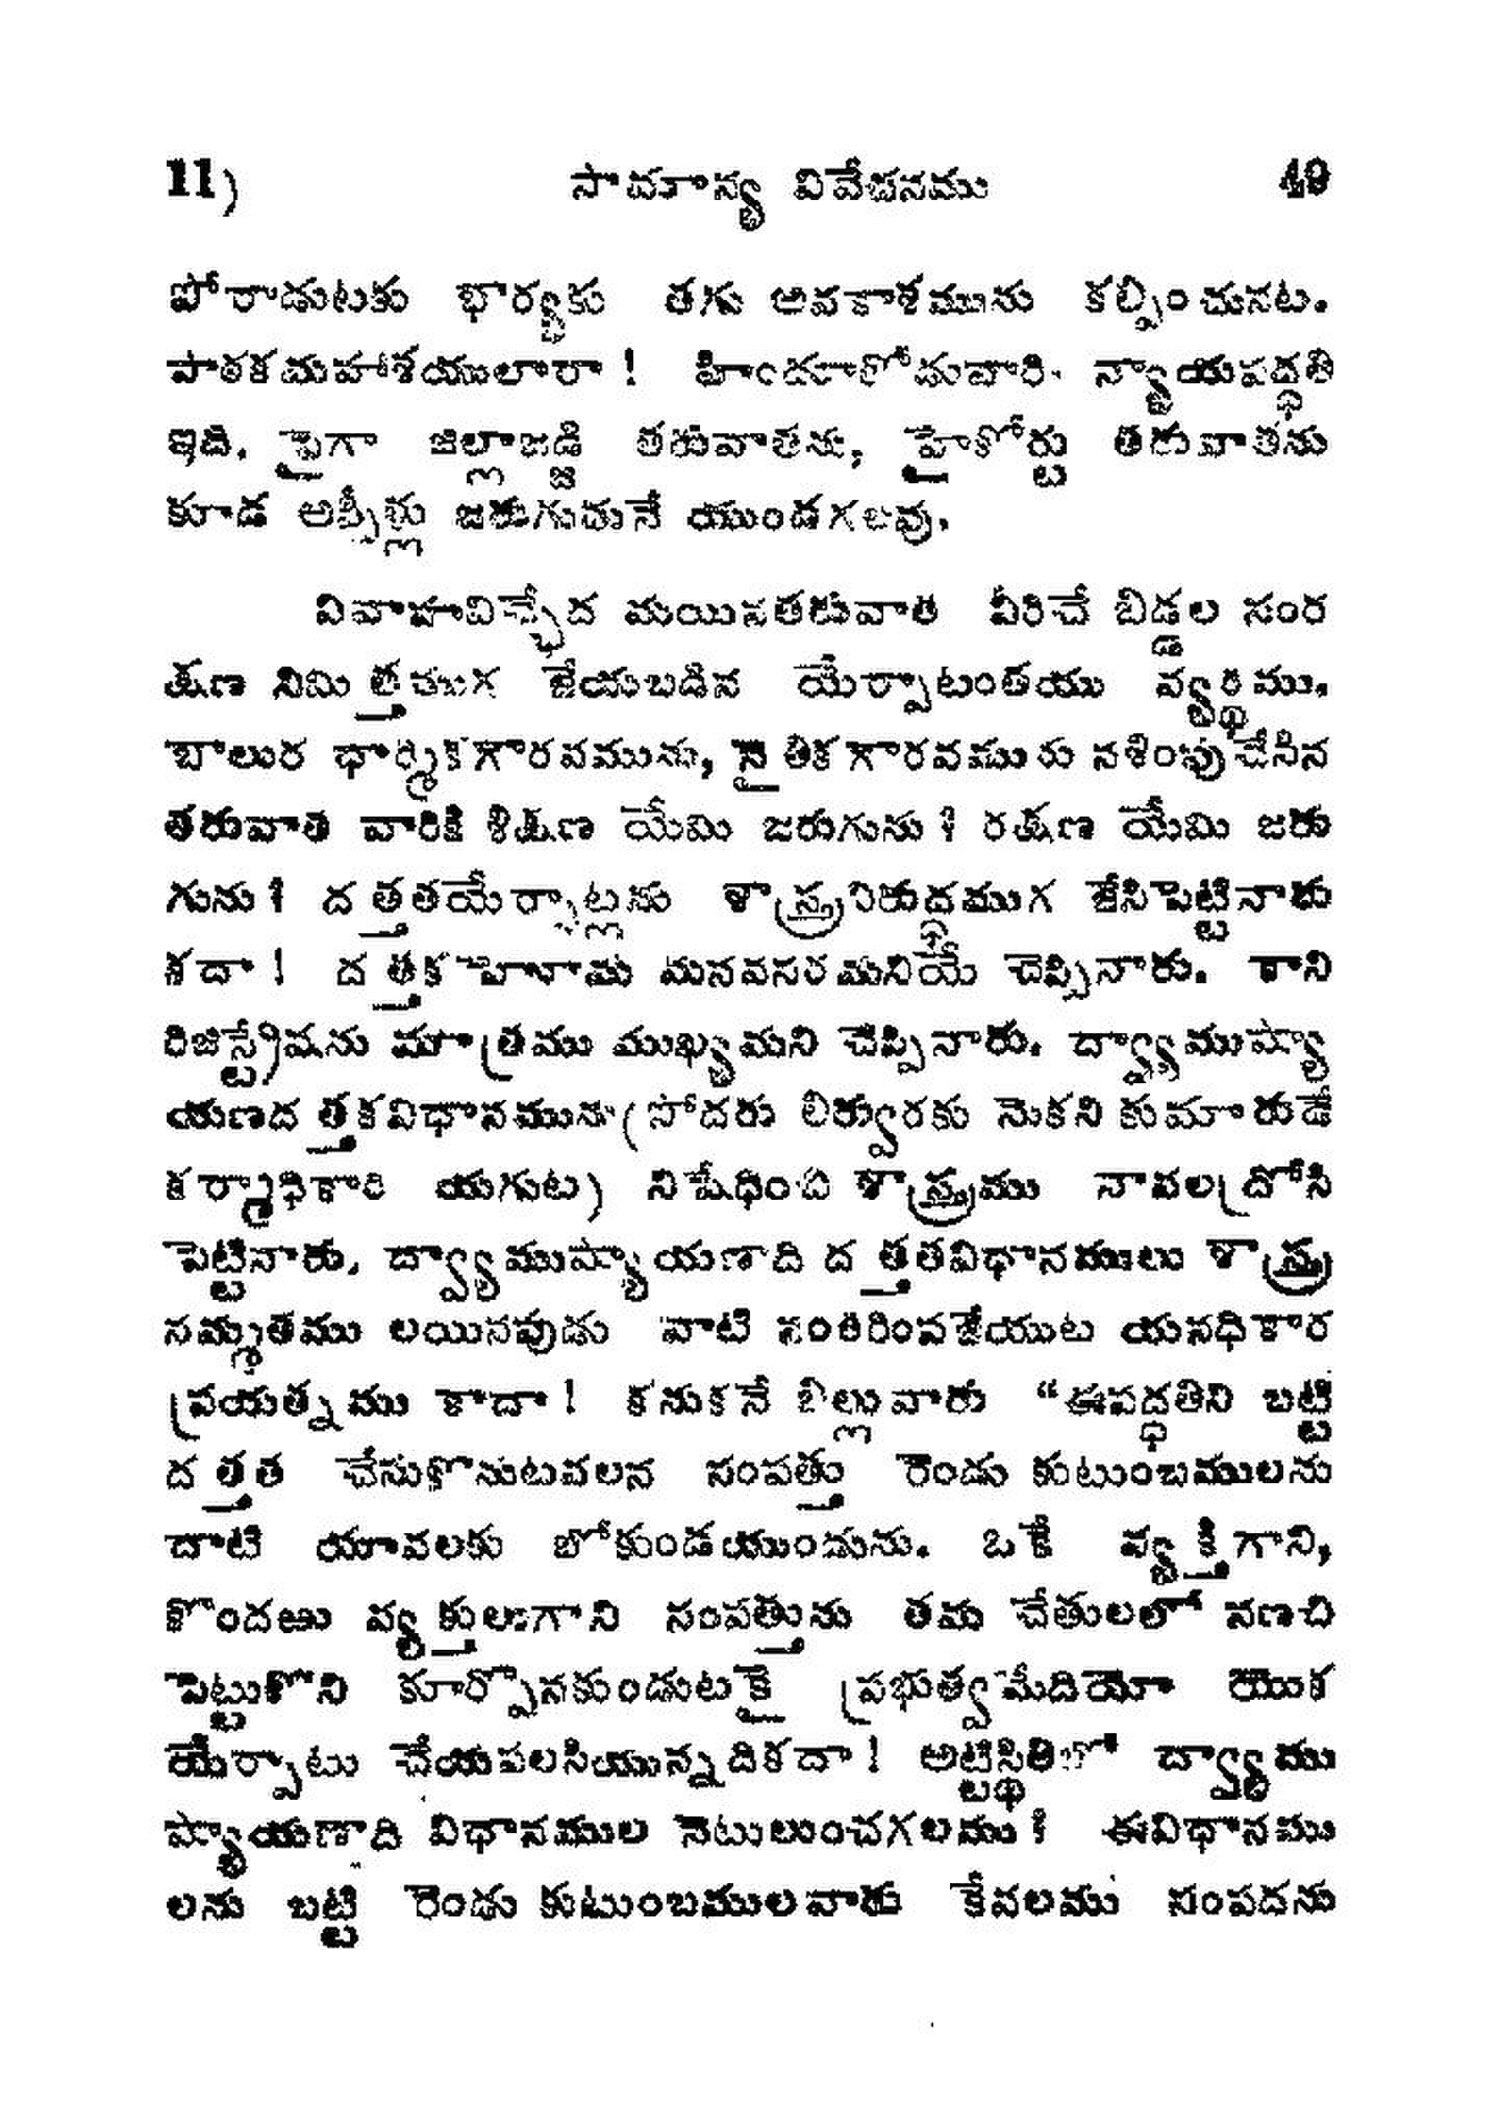పోరాడుటకు భార్యకు తగు అవకాశమును కల్పించునట.
పాఠకమహాశయులారా ! హిందూకోడువారి న్యాయపద్ధతి
ఇది. పైగా జిల్లా జడ్జి తరువాతను, హైకోర్టు తరువాతను
కూడ అప్పీళ్లు జరుగుతునే యుండగలవు.

వివాహవిచ్ఛేద మయినతరువాత వీరిచే బిడ్డల 
సంరక్షణ నిమిత్తముగ జేయబడిన యేర్పాటంతయు వ్యర్థము 
బాలుర ధార్మిక గౌరవమును, నైతిక గౌరవమును నశింపు చేసిన
తరువాత వారికి శిక్షణ యేమి జరుగును ? రక్షణ యేమి జరు
గును? దత్తతయేర్పాట్లను శాస్త్రవిరుద్ధముగ జేసిపెట్టినారు 
కదా ! దత్తతకు హోమ మనవసరమనియే చెప్పినారు. కాని
రిజిస్ట్రేషను మాత్రము ముఖ్యమని చెప్పినారు. ద్వ్యాముష్యాయణ 
దత్తకవిధానమున (సోదరు లిర్వురకు నొకని కుమారుడే
కర్మాధికారి యగుట) నిషేధించి శాస్త్రము నావలద్రోసి
పెట్టినారు. ద్వ్యాముష్యాయణాది దత్తతవిధానములు శాస్త్ర
సమ్మతము లయినపుడు వాటి నంతరింపజేయుట యనధికార
ప్రయత్నము కాదా! కనుకనే బిల్లు వారు “ఈపద్ధతిని బట్టి
దత్తత చేసుకొనుటవలన సంపత్తు రెండు కుటుంబములను
దాటి యావలకు బోకుండయుండును. ఒకే వ్యక్తిగాని,
కొందఱు వ్యక్తులుగాని సంపత్తును తమ చేతులలో నణచి
పెట్టుకొని కూర్చొనకుండుటకై ప్రభుత్వమేదియో యొక
యేర్పాటు చేయవలసియున్నదికదా! అట్టిస్థితిలో 
ద్వ్యాముష్యాయణాది విధానముల నెటులుంచగలము? 
ఈవిధానములను బట్టి రెండు కుటుంబములవారు 
కేవలము సంపదను